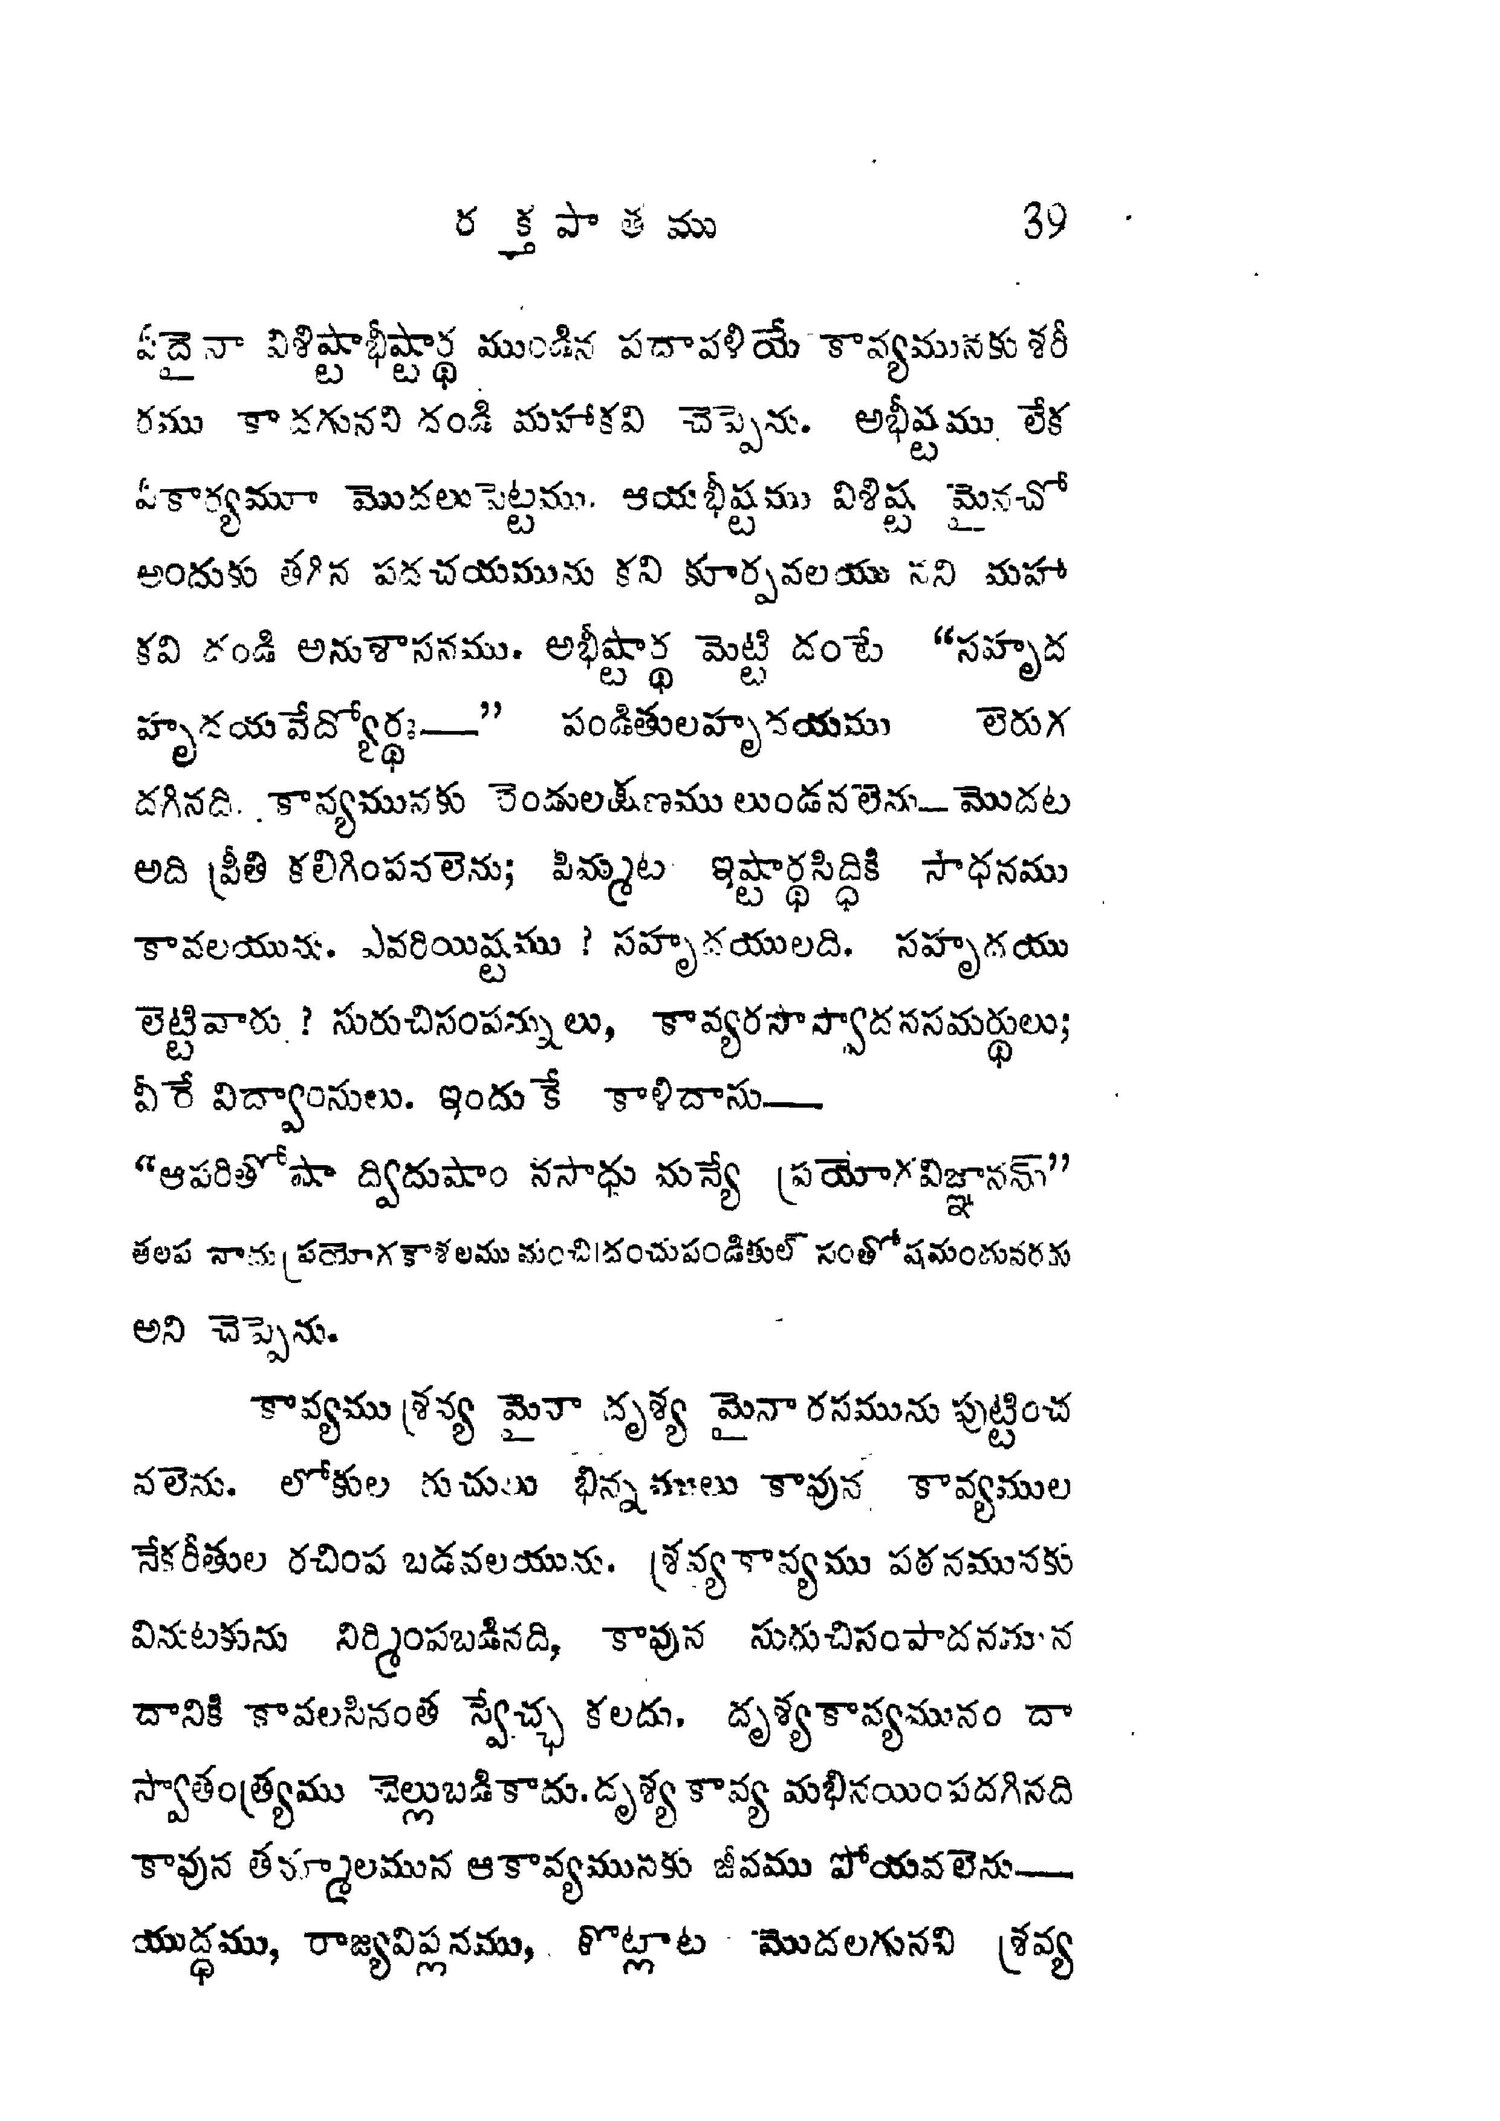ఏదైనా విశిష్టాభీష్టార్థ ముండిన పదావళియే కావ్యమునకు శరీరము కాదగునని దండి మహాకవి చెప్పెను. అభీష్టము లేక ఏకార్యమూ మొదలుపెట్టము. ఆయభీష్టము విశిష్ట మైనచో అందుకు తగిన పదచయమును కవి కూర్పవలయు నని మహాకవి దండి అనుశాసనము. అభీష్టార్థ మెట్టి దంటే "సహృద హృదయవేద్యోర్థ: -" పండితులహృదయము లెరుగ దగినది. కావ్యమునకు రెండులక్షణము లుండవలెను - మొదట అది ప్రీతి కలిగింపవలెను; పిమ్మట ఇష్టార్థసిద్ధికి సాధనము కావలయును. ఎవరియిష్టము? సహృదయులది. సహృదయు లెట్టివారు? సురుచుసంపన్నులు, కావ్యరసాస్వాదనసమర్థులు; వీరే విద్వాంసులు. ఇందుకే కాళిదాసు -

"ఆపరితోషా ద్విదుషాం నసాధు మన్యే ప్రయోగవిజ్ఞానమ్"

తలప నాదుప్రయోగకౌశలము నుంచి|దంచుపండితుల్ సంతోషమందువరకు

అని చెప్పెను.

కావ్యము శ్రవ్య మైనా దృశ్య మైనా రసమును పుట్టించ వలెను. లోకుల రుచులు భిన్నములు కావున కావ్యముల నేకరీతుల రచింప బడవలయును. శ్రవ్యకావ్యము పఠనమునకు వినుటకును నిర్మింపబడినది, కావున సురుచిసంపాదనమున దానికి కావలసినంత స్వేచ్ఛ కలదు. దృశ్యకావ్యమునం దా స్వాతంత్ర్యము చెల్లుబడికాదు. దృశ్యకావ్య మభినయింపదగినది కావున తన్మూలమున ఆకావ్యమునకు జీవము పోయవలెను - యుద్ధము, రాజ్యవిప్లవము, కొట్లాట మొదలగునవి శ్రవ్య